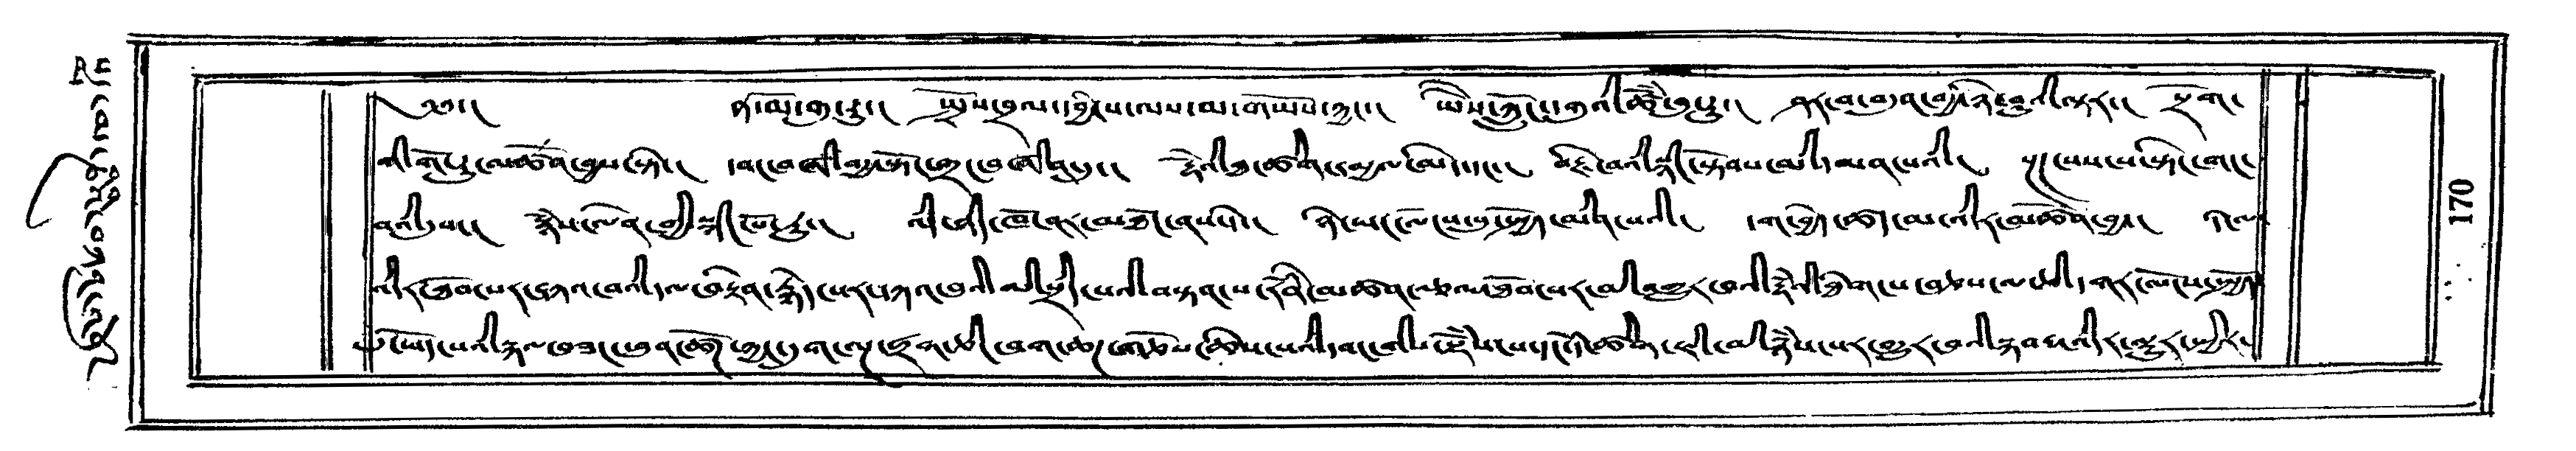ན་མོ་གུ་རུ། སྤྲོས་བྲལ་དབྱིངས་ལས་མ་གཡོས་ཀྱང་། ། ཡེ་ཤེས་ཀློང་དགུའི་ཚེམ་བུ་རུ། ། ཤར་བ་བདུན་བརྒྱ་ཉི་ཤུའི་ལྷར། །སྲོག་
གི་གོ་རུ་མཚོན་བྱས་ཏེ། །དབང་བཞི་བརྒྱ་སྟོང་བགྲང་བཞིན་དུ། །རྡོ་རྗེའི་ཐ་ཚིག་དམྱལ་མེ་དང་། །བརྗེ་བའི་སྙིང་སྟོབས་མི་དམན་པའི། །སྔགས་པས་ས་སྟེང་གང་
པའི་དུས། །ཉམས་ལེན་ཀུན་གྱི་སྙིང་པོ་རུ། འདི་ཉིད་ཁོ་ནར་མཐོང་ནས་ནི། །ཉེ་ཡང་ལོངས་སུ་སྤྱོད་མིན་པའི། །དག་བྱེད་ཚད་མ་འདིར་མཚོན་བྱ། དེ་ལ་
འདིར་ཐོབ་པར་དཀའ་བའི་དལ་རྟེན། རྙེད་པར་དཀའ་བའི་བསྟན་པ་རིན་ཆེན། མཚན་ཙལ་ཐོས་པར་དཀའ་བའི་རྡོ་རྗེའི་ཐེག་པ་བཅས་ལ་ཅི་དགར་ལོངས་སྤྱོད་
དུ་ཡོད་པའི་སྐལ་བཟང་ཕུན་ཚོགས་ཀྱང་། དུག་ལྔ་ཧྲག་ཅིང་བག་ཆགས་གཅོས་ཆེས་པའི་དབང་གིས་སྡོམ་པ་དང་དམ་ཚིག་ཇི་མི་སྙམ་པར་གྱུར་བའི་སྐབས་འདི་ལྟ་བུར། སྤྱིར་